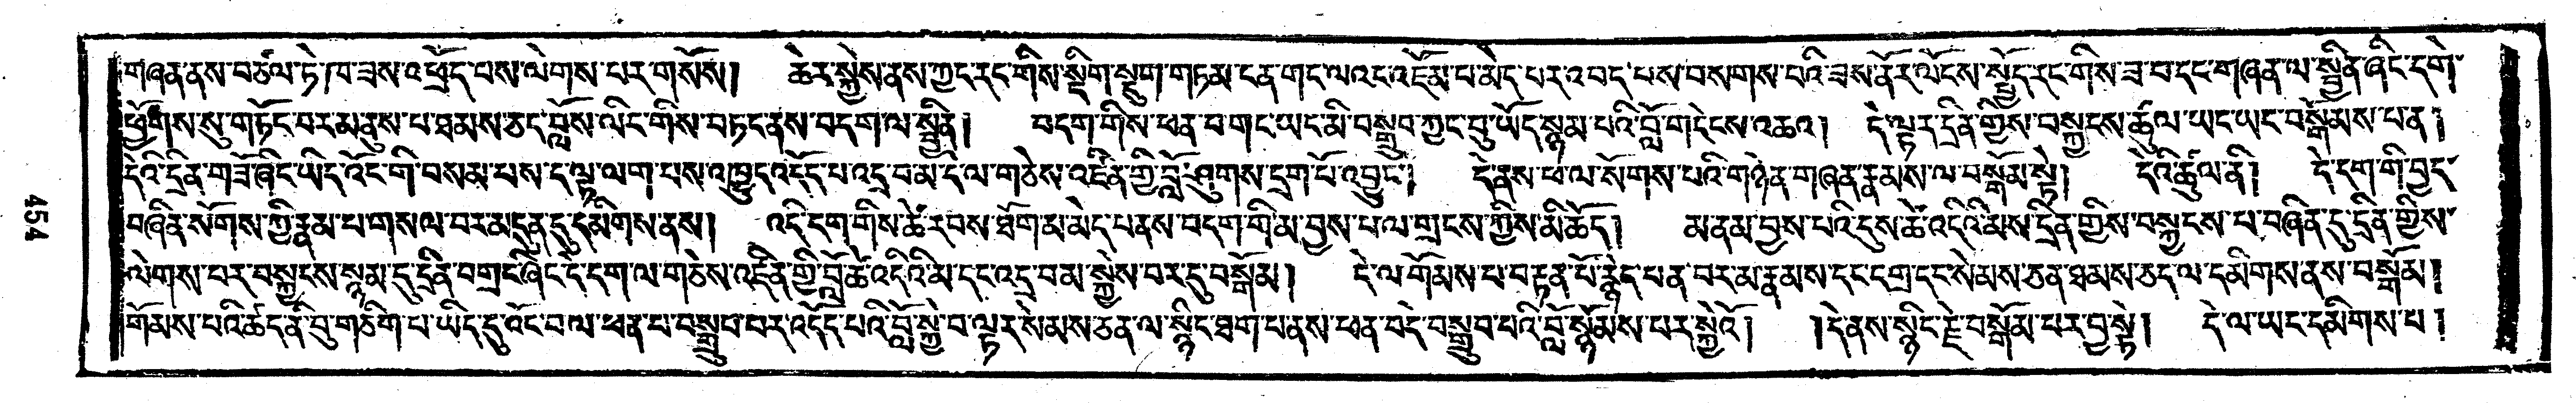གཞན་ནས་བཙལ་ཏེ་ཁ་ཟས་འཕྲོད་པས་ལེགས་པར་གསོས། ཆེར་སྐྱེས་ནས་ཀྱང་རང་གིས་སྡིག་སྡུག་གཏམ་ངན་གང་ལའང་འཇོམ་པ་མེད་པར་འབད་པས་བསགས་པའི་ཟས་ནོར་ལོངས་སྤྱོད་རང་གིས་ཟ་བ་དང་གཞན་ལ་སྦྱིན་ཞིང་དགེ་
ཕྱོགས་སུ་གཏོང་བར་མ་ནུས་པ་ཐམས་ཅད་བློས་ལིང་གིས་བཏང་ནས་བདག་ལ་སྦྱིན། བདག་གིས་ཕན་པ་གང་ཡང་མི་བསྒྲུབ་ཀྱང་བུ་ཡོད་སྙམ་པའི་བློ་གདེངས་འཆའ། དེ་ལྟར་དྲིན་གྱིས་བསྐྱངས་ཚུལ་ཡང་ཡང་བསྒོམས་པ་ན།
དེའི་དྲིན་གཟོ་ཞིང་ཡིད་འོང་གི་བསམ་པས་ད་ལྟ་ལག་པས་འཁྱུད་འདོད་པ་འདྲ་བ་མ་དེ་ལ་གཅེས་འཛིན་གྱི་བློ་ཤུགས་དྲག་པོ་འབྱུང་། དེ་ནས་ཕ་ལ་སོགས་པའི་གཉེན་གཞན་རྣམས་ལ་བསྒོམ་སྟེ། དེའི་ཚུལ་ནི། དེ་དག་གི་བྱང་
བཞིན་སོགས་ཀྱི་རྣམ་པ་གསལ་བར་མདུན་དུ་དམིགས་ནས། འདི་དག་གིས་ཚེ་རབས་ཐོག་མ་མེད་པ་ནས་བདག་གི་མ་བྱས་པ་ལ་གྲངས་ཀྱིས་མི་ཆོད། མ་ནམ་བྱས་པའི་དུས་ཚེ་འདིའི་མས་དྲིན་གྱིས་བསྐྱངས་པ་བཞིན་དུ་དྲིན་གྱིས་
ལེགས་པར་བསྐྱངས་སྙམ་དུ་དྲིན་བགྲང་ཞིང་དེ་དག་ལ་གཅེས་འཛིན་གྱི་བློ་ཚེ་འདིའི་མ་དང་འདྲ་བ་མ་སྐྱེས་བར་དུ་བསྒོམ། དེ་ལ་གོམས་པ་བརྟན་པོ་རྙེད་པ་ན་བར་མ་རྣམས་དང་དགྲ་དང་སེམས་ཅན་ཐམས་ཅད་ལ་དམིགས་ནས་བསྒོམ།
གོམས་པའི་ཚད་ནི་བུ་གཅིག་པ་ཡིད་དུ་འོང་བ་ལ་ཕན་པ་བསྒྲུབ་པར་འདོད་པའི་བློ་སྐྱེ་བ་ལྟར་སེམས་ཅན་ལ་སྙིང་ཐག་པ་ནས་ཕན་བདེ་བསྒྲུབ་པའི་བློ་སྙོམས་པར་སྐྱེའོ། །དེ་ནས་སྙིང་རྗེ་བསྒོམ་པར་བྱ་སྟེ། དེ་ལ་ཡང་དམིགས་པ།